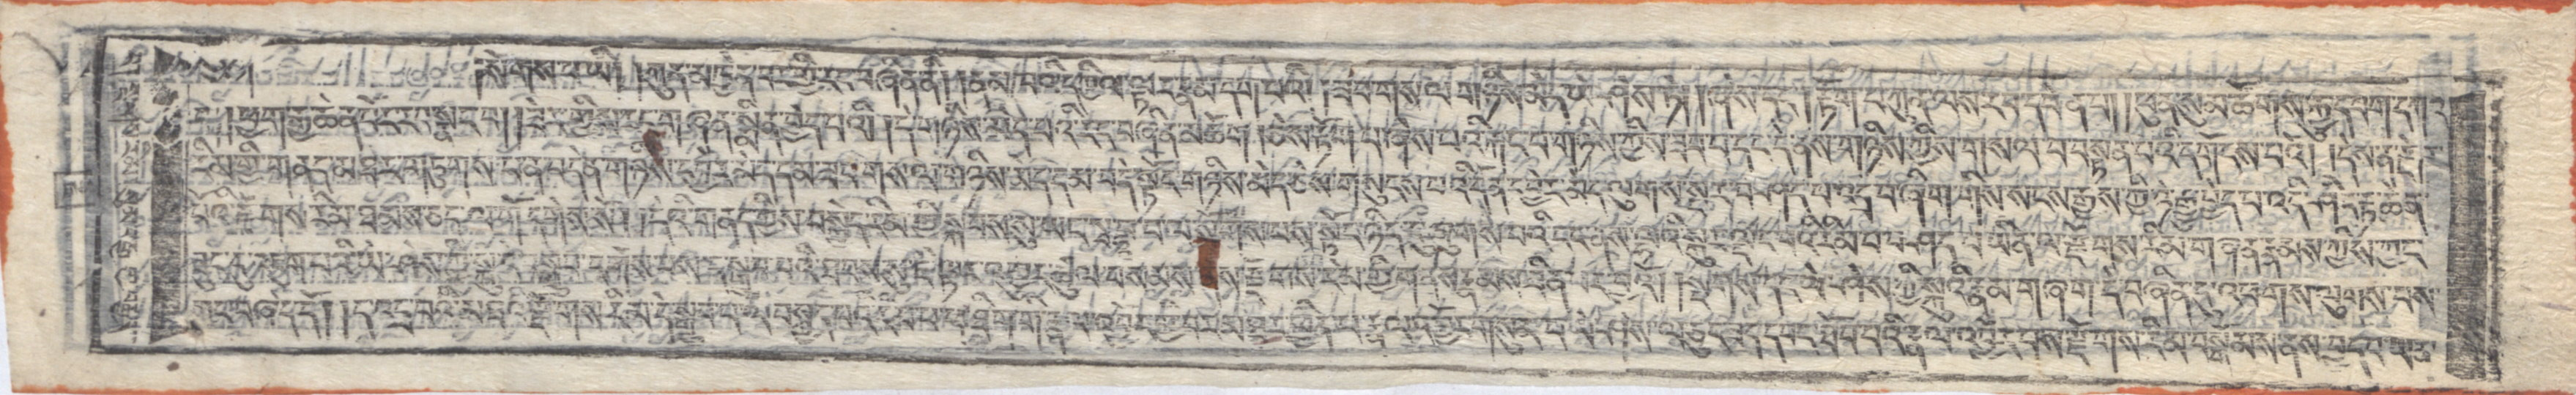༄༅། །སོགས་པ་ཡི། །ཀུན་མཁྱེན་པར་གྱི་རང་བཞིན་ནོ། །ནམ་མཁའི་དཀྱིལ་ལྟར་རྣམ་དག་པའི། །ཟབ་གསལ་གཉིས་མེད་ཡེ་ཤེས་ཏེ། །ཞེས་དང་། རྟོག་པ་ཀུན་ལས་རབ་དབེན་པ། །ཕུན་སུམ་ཚོགས་རྒྱུ་དཔག་དཀའ་
བ། །ཕྱག་རྒྱ་ཆེན་པོར་རབ་སྣང་བ། །ཟེར་གྱིས་རང་གཞན་སྨིན་བྱེད་པའི། །དེ་གཉིས་མེད་པའི་རང་བཞིན་མཆོག །ཅེས་རྟོག་པ་ཞེས་པའི་རྐང་པ་གཉིས་ཀྱིས་ཟབ་པ་དང་དེ་ནས་གཉིས་ཀྱིས་གསལ་བ་བསྟན་པའི་དགོངས་པའོ། །དེས་ན་རྫོགས་
རིམ་གྱི་གནད་མཐར་གཏུགས་པ་ན་བདེན་གཉིས་དབྱེར་མེད་དམ་ཟབ་གསལ་གཉིས་མེད་དམ་བདེ་སྟོང་གཉིས་མེད་ཅེས་གསུངས་པའི་དོན་དབྱེར་མེད་ལུགས་སྔར་བཤད་པ་འདྲ་བ་ཞིག་གིས་སངས་རྒྱས་ཀྱི་ཉེ་རྒྱུ་བྱེད་པ་འདི་ཤིང་རྟ་ཆེན་
པོའི་རྫོགས་རིམ་ཐམས་ཅད་ལ་གོ་དགོས་སོ། །དེའི་གནད་ཀྱིས་བསྐྱེད་རིམ་གྱི་སྐབས་སུ་ཡང་སྭ་བྷཱ་བ་ལ་སོགས་པས་སྟོང་ཉིད་དུ་ཞུགས་པའི་ངང་ནས་ལྷའི་སྐུར་ལྡང་བའི་རིམ་པ་བཤད་པ་ཡིན་ལ་རྫོགས་རིམ་གཞན་རྣམས་ཀྱིས་ཀྱང་
ཟུང་དུ་འཇུག་པའི་ཡེ་ཤེས་ཀྱི་སྐུ་དེ་བསྒྲུབ་དགོས་པས་དེ་སྒྲུབ་པའི་ཐབས་སུ་ཇི་ལྟར་འགྱུར་ཚུལ་བསམས་ནས་རྫོགས་རིམ་གྱི་གནས་རྣམས་ཟིན་པར་བྱའོ། །སྔགས་དང་ཡེ་ཤེས་ཀྱི་སྐུའི་རྣམ་གཞག་དེ་བཞིན་དུ་འཕགས་ལུགས་པས་
ཀྱང་བཞེད་དོ། །དེ་འདྲ་བའི་མཐའི་རྫོགས་རིམ་དེ་སྒྲུབ་པ་ལ་བསྐྱེད་པའི་རིམ་པ་ཕྲ་ཐིག་གི་རྣལ་འབྱོར་གྱི་བར་མཐར་ཕྱིན་པ་རྣལ་འབྱོར་གསུམ་པ་ཡེ་ཤེས་ལ་ཅུང་ཟད་དབང་ཐོབ་པའི་རྣལ་འབྱོར་པས་རྫོགས་རིམ་བསྒོམས་ནས་བྱེད་པ་ཡིན་